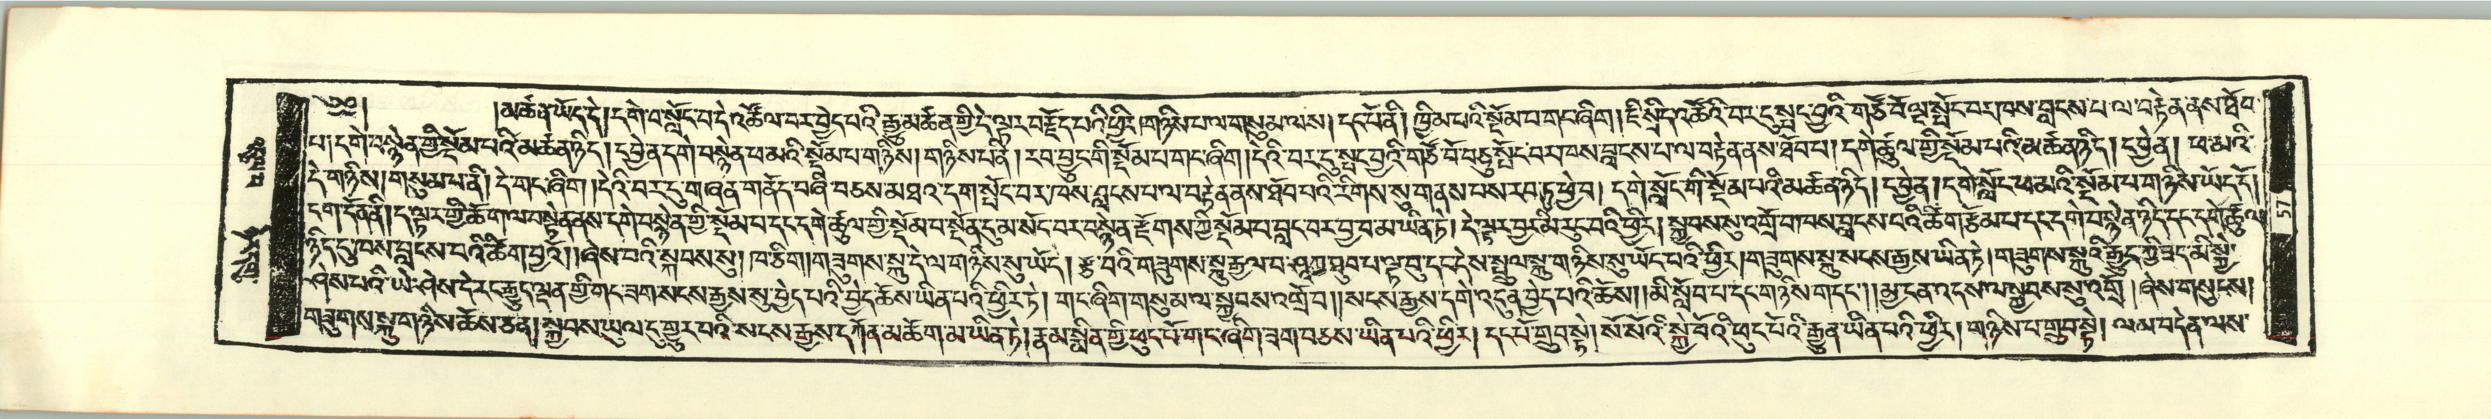༄༅། །མཚན་ཡོད་དེ། དགེ་བ་སློང་བ་དེ་འཚོལ་བར་བྱེད་པའི་རྒྱུ་མཚན་གྱི་དེ་ལྟར་བརྗོད་པའི་ཕྱིར། གཉིས་པ་ལ་གསུམ་ལས། དང་པོ་ནི། ཁྱིམ་པའི་སྡོམ་པ་གང་ཞིག །ཇི་སྲིད་འཚོའི་བར་དུ་སྤང་བྱའི་གཙོ་བོ་ལྔ་སྤོང་བར་ཁས་བླངས་པ་ལ་བརྟེན་ནས་ཐོབ་
པ༑ དགེ་བསྙེན་གྱི་སྡོམ་པའི་མཚན་ཉིད། དབྱེ་ན་དགེ་བསྙེན་ཕ་མའི་སྡོམ་པ་གཉིས། གཉིས་པ་ནི། རབ་བྱུང་གི་སྡོམ་པ་གང་ཞིག །དེའི་བར་དུ་སྤང་བྱའི་གཙོ་བོ་བཅུ་སྤོང་བར་ཁས་བླངས་པ་ལ་བརྟེན་ནས་ཐོབ་པ། དགེ་ཚུལ་གྱི་སྡོམ་པའི་མཚན་ཉིད། དབྱེ་ན། ཕ་མའི་
དེ་གཉིས། གསུམ་པ་ནི། དེ་གང་ཞིག །དེའི་བར་དུ་གཞན་གནོད་བཞི་བཅས་མཐའ་དག་སྤོང་བར་ཁས་བླངས་པ་ལ་བརྟེན་ནས་ཐོབ་པའི་རིགས་སུ་གནས་པས་རབ་ཏུ་ཕྱེ་བ། དགེ་སློང་གི་སྡོམ་པའི་མཚན་ཉིད། དབྱེ་ན། དགེ་སློང་ཕ་མའི་སྡོམ་པ་གཉིས་ཡོད་དོ།། ངག་དོན་ནི། ད་ལྟར་གྱི་ཆོ་ག་ལ་བསྟེན་ནས་དགེ་བསྙེན་གྱི་སྡོམ་པ་དང་དགེ་ཚུལ་གྱི་སྡོམ་པ་སྔོན་དུ་མ་སོང་བར་བསྙེན་རྫོགས་ཀྱི་སྡོམ་པ་བླང་བར་བྱ་བ་མ་ཡིན་ཏེ། དེ་ལྟར་བྱར་མི་རུང་བའི་ཕྱིར། སྐྱབས་སུ་འགྲོ་བ་ཁས་བླངས་པའི་ཚིག་རྩོམ་པ་དང་དགེ་བསྙེན་ཉིད་དང་དགེ་ཚུལ་
ཉིད་དུ་ཁས་བླངས་པའི་ཚིག་བྱའོ། །ཞེས་པའི་སྐབས་སུ། ཁ་ཅིག །གཟུགས་སྐུ་དེ་ལ་གཉིས་སུ་ཡོད་དེ། རྩ་བའི་གཟུགས་སྐུ་རྒྱལ་བ་ཤཱཀྱ་ཐུབ་པ་ལྟ་བུ་དང་དེས་སྤྲུལ་སྐུ་གཉིས་སུ་ཡོད་པའི་ཕྱིར། གཟུགས་སྐུ་སངས་རྒྱས་ཡིན་ཏེ། གཟུགས་སྐུའི་རྒྱུད་ཀྱི་ཟད་མི་སྐྱེ་
ཤེས་པའི་ཡེ་ཤེས་དེ་རང་རྒྱུད་ལྡན་གྱི་གང་ཟག་སངས་རྒྱས་སུ་བྱེད་པའི་བྱེད་ཆོས་ཡིན་པའི་ཕྱིར་ཏེ། གང་ཞིག་གསུམ་ལ་སྐྱབས་འགྲོ་བ། །སངས་རྒྱས་དགེ་འདུན་བྱེད་པའི་ཆོས། །མི་སློབ་པ་དང་གཉིས་ག་དང་། །མྱ་ངན་འདས་ལ་སྐྱབས་སུ་འགྲོ་།ཞེས་གསུངས།
གཟུགས་སྐུ་གཉིས་ཆོས་ཅན། སྐྱབས་ཡུལ་དུ་གྱུར་པའི་སངས་རྒྱས་དཀོན་མཆོག་མ་ཡིན་ཏེ། རྣམ་སྨིན་གྱི་ཕུང་པོ་གང་ཞིག་ཟག་བཅས་ཡིན་པའི་ཕྱིར། དང་པོ་གྲུབ་སྟེ། སོ་སོའི་སྐྱེ་བོའི་ཕུང་པོའི་རྒྱུན་ཡིན་པའི་ཕྱིར། གཉིས་པ་གྲུབ་སྟེ། ལམ་བདེན་ལས་